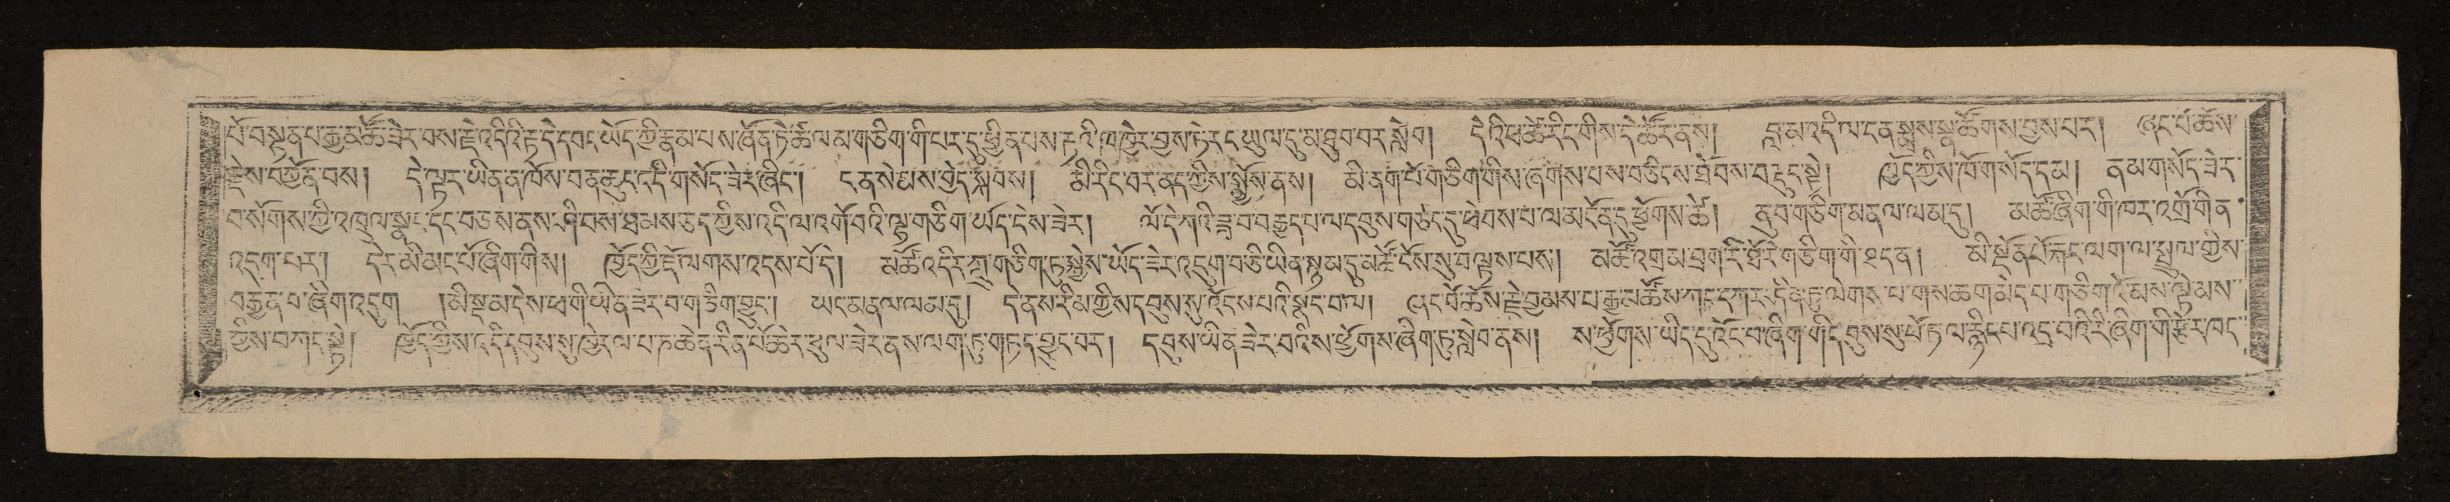པོ་བསྟན་པ་རྒྱ་མཚོ་ཟེར་བས་རྗེ་འདིའི་རྟ་དེ་དབང་ཡོད་ཀྱི་རྣམ་པས་ཞོན་ཏེ་ཚལ་མ་གཅིག་གི་བར་དུ་ཕྱིན་པས་རྟའི་ཁ་ཁྱེར་བྱས་ཏེ་རང་ཡུལ་དུ་མཐུབ་པར་སླེབ། དེའི་ཕ་ཚེ་རིང་གིས་དེ་ཚོར་ནས། བླ་མ་འདི་ལ་ངན་སྨྲས་སྣ་ཚོགས་བྱས་པར། ཞང་པོ་ཆོས་
རྗེས་བཀྱོན་པས། དེ་ལྟར་ཡིན་ན་ཁོས་བན་ཆུང་འདི་གསོད་ཟེར་ཞིང་། ངན་སེམས་བྱེད་སྐབས། མི་རིང་བར་ནད་ཀྱིས་སྨྱོས་ནས། མི་ནག་པོ་གཅིག་གིས་ཞགས་པས་བཅིངས་ཐོབས་བརྡུང་སྟེ། ཁྱོད་ཀྱིས་ཁོག་སོང་དམ། ནམ་གསོང་ཟེར་
བ་སོགས་ཀྱི་འཁྲུལ་སྣང་དང་བཅས་ནས་ཤི་བས་ཐམས་ཅད་ཀྱིས་འདི་ལ་འགྲོ་བའི་ལྷ་གཅིག་ཡོད་དེས་ཟེར། ལོ་དེ་ཀའི་ཟླ་བ་བརྒྱད་པ་ལ་དབུས་གཙང་དུ་ཕེབས་པ་ལ་མངོན་དུ་ཕྱོགས་ཚེ། ནུབ་གཅིག་མནལ་ལམ་དུ། མཚོ་ཞིག་གི་ཁར་འགྲོ་གིན་
འདུག་པར། དེར་མི་མང་པོ་ཞིག་གིས། ཁྱོད་ཀྱི་རྡོ་ལགས་འདས་པོ་དེ། མཚོ་འདིར་ཀླུ་གཅིག་ཏུ་སྐྱེས་ཡོད་ཟེར་འདུག་པ་ཅི་ཡིན་སྙམ་དུ་མཚོ་ངོས་སུ་བལྟས་པས། མཚོ་འགྲམ་བྲག་རི་ཐོ་རེ་གཅིག་གི་ཐད་ན། མི་སྔོན་པོ་རྐང་ལག་ལ་སྤྲུལ་གྱིས་
བརྒྱན་པ་ཞིག་འདུག །མི་སྔ་མ་དེས་ཕ་གི་ཡིན་ཟེར་བ་གཅིག་བྱུང་། ཡང་མན་ལ་ལམ་དུ། དེ་ནས་རིམ་གྱིས་དབུས་སུ་འོངས་པའི་སྣང་བ་ལ། ཞང་བོ་ཆོས་རྗེ་བྱམས་པ་རྒྱ་མཚོས་ཀང་དཀར་ཤིན་ཏུ་ལེགས་པགས་ཆག་མེད་པ་གཅིག་འོམས་ལྟེམས་
ཀྱིས་བཀང་སྟེ། ཁྱོད་ཀྱིས་འདི་དབུས་སུ་ཁྱེར་ལ་པཎ་ཆེན་རིན་པོ་ཆེར་ཕུལ་ཟེར་ནས་ལག་ཏུ་གཏད་བྱུང་བར། དབུས་ཡིན་ཟེར་བའི་ས་ཕྱོགས་ཞིག་ཏུ་སླེབ་ནས། ས་ཕྱོགས་ཡིད་དུ་འོང་བ་ཞིག་གི་དབུས་སུ་པོ་ཏ་ལ་རྙིང་བ་འདྲ་བའི་རི་ཞིག་གི་རྩེར་ཁང་